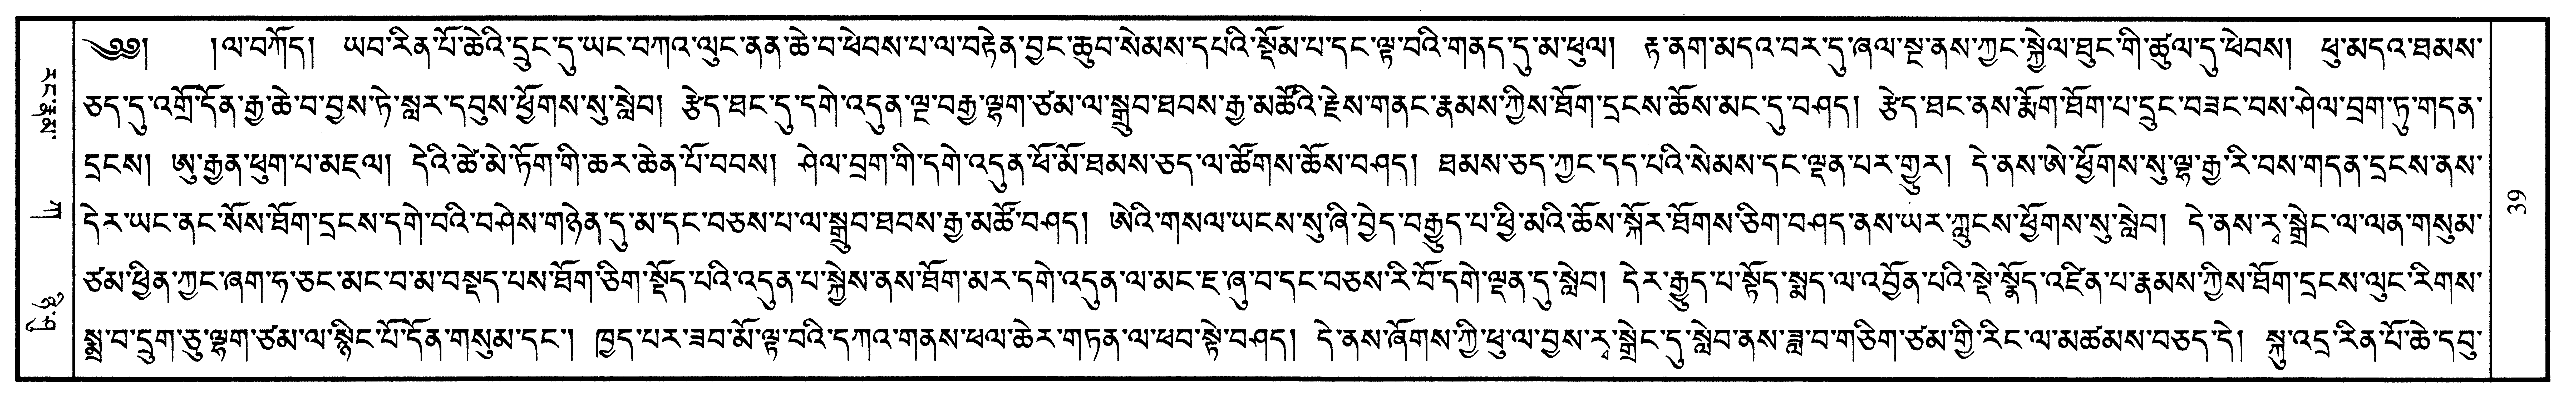༄༅། །ལ་བཀོད། ཡབ་རིན་པོ་ཆེའི་དྲུང་དུ་ཡང་བཀའ་ལུང་ནན་ཆེ་བ་ཕེབས་པ་ལ་བརྟེན་བྱང་ཆུབ་སེམས་དཔའི་སྡོམ་པ་དང་ལྟ་བའི་གནད་དུ་མ་ཕུལ། རྟ་ནག་མདའ་བར་དུ་ཞལ་སྔ་ནས་ཀྱང་སྐྱེལ་ཐུང་གི་ཚུལ་དུ་ཕེབས། ཕུ་མདའ་ཐམས་
ཅད་དུ་འགྲོ་དོན་རྒྱ་ཆེ་བ་བྱས་ཏེ་སླར་དབུས་ཕྱོགས་སུ་སླེབ། རྩེད་ཐང་དུ་དགེ་འདུན་ལྔ་བརྒྱ་ལྷག་ཙམ་ལ་སྒྲུབ་ཐབས་རྒྱ་མཚོའི་རྗེས་གནང་རྣམས་ཀྱིས་ཐོག་དྲངས་ཆོས་མང་དུ་བཤད། རྩེད་ཐང་ནས་རྨོག་ཐོག་པ་དྲུང་བཟང་བས་ཤེལ་བྲག་ཏུ་གདན་
དྲངས། ཨུ་རྒྱན་ཕུག་པ་མཇལ། དེའི་ཚེ་མེ་ཏོག་གི་ཆར་ཆེན་པོ་བབས། ཤེལ་བྲག་གི་དགེ་འདུན་ཕོ་མོ་ཐམས་ཅད་ལ་ཚོགས་ཆོས་བཤད། ཐམས་ཅད་ཀྱང་དད་པའི་སེམས་དང་ལྡན་པར་གྱུར། དེ་ནས་ཨེ་ཕྱོགས་སུ་ལྷ་རྒྱ་རི་བས་གདན་དྲངས་ནས་
དེར་ཡང་ནང་སོས་ཐོག་དྲངས་དགེ་བའི་བཤེས་གཉེན་དུ་མ་དང་བཅས་པ་ལ་སྒྲུབ་ཐབས་རྒྱ་མཚོ་བཤད། ཨེའི་གསལ་ཡངས་སུ་ཞི་བྱེད་བརྒྱུད་པ་ཕྱི་མའི་ཆོས་སྐོར་ཐོགས་ཅིག་བཤད་ནས་ཡར་ཀླུངས་ཕྱོགས་སུ་སླེབ། དེ་ནས་རྭ་སྒྲེང་ལ་ལན་གསུམ་
ཙམ་ཕྱིན་ཀྱང་ཞག་ཧ་ཅང་མང་བ་མ་བསྡད་པས་ཐོག་ཅིག་སྡོད་པའི་འདུན་པ་སྐྱེས་ནས་ཐོག་མར་དགེ་འདུན་ལ་མང་ཇ་ཞུ་བ་དང་བཅས་རི་བོ་དགེ་ལྡན་དུ་སླེབ། དེར་རྒྱུད་པ་སྟོད་སྨད་ལ་འབྱོན་པའི་སྡེ་སྣོད་འཛིན་པ་རྣམས་ཀྱིས་ཐོག་དྲངས་ལུང་རིགས་
སྨྲ་བ་དྲུག་ཅུ་ལྷག་ཙམ་ལ་སྙིང་པོ་དོན་གསུམ་དང་། ཁྱད་པར་ཟབ་མོ་ལྟ་བའི་དཀའ་གནས་ཕལ་ཆེར་གཏན་ལ་ཕབ་སྟེ་བཤད། དེ་ནས་ཞོགས་ཀྱི་ཕུ་ལ་བྱས་རྭ་སྒྲེང་དུ་སླེབ་ནས་ཟླ་བ་གཅིག་ཙམ་གྱི་རིང་ལ་མཚམས་བཅད་དེ། སྐུ་འདྲ་རིན་པོ་ཆེ་དབུ་